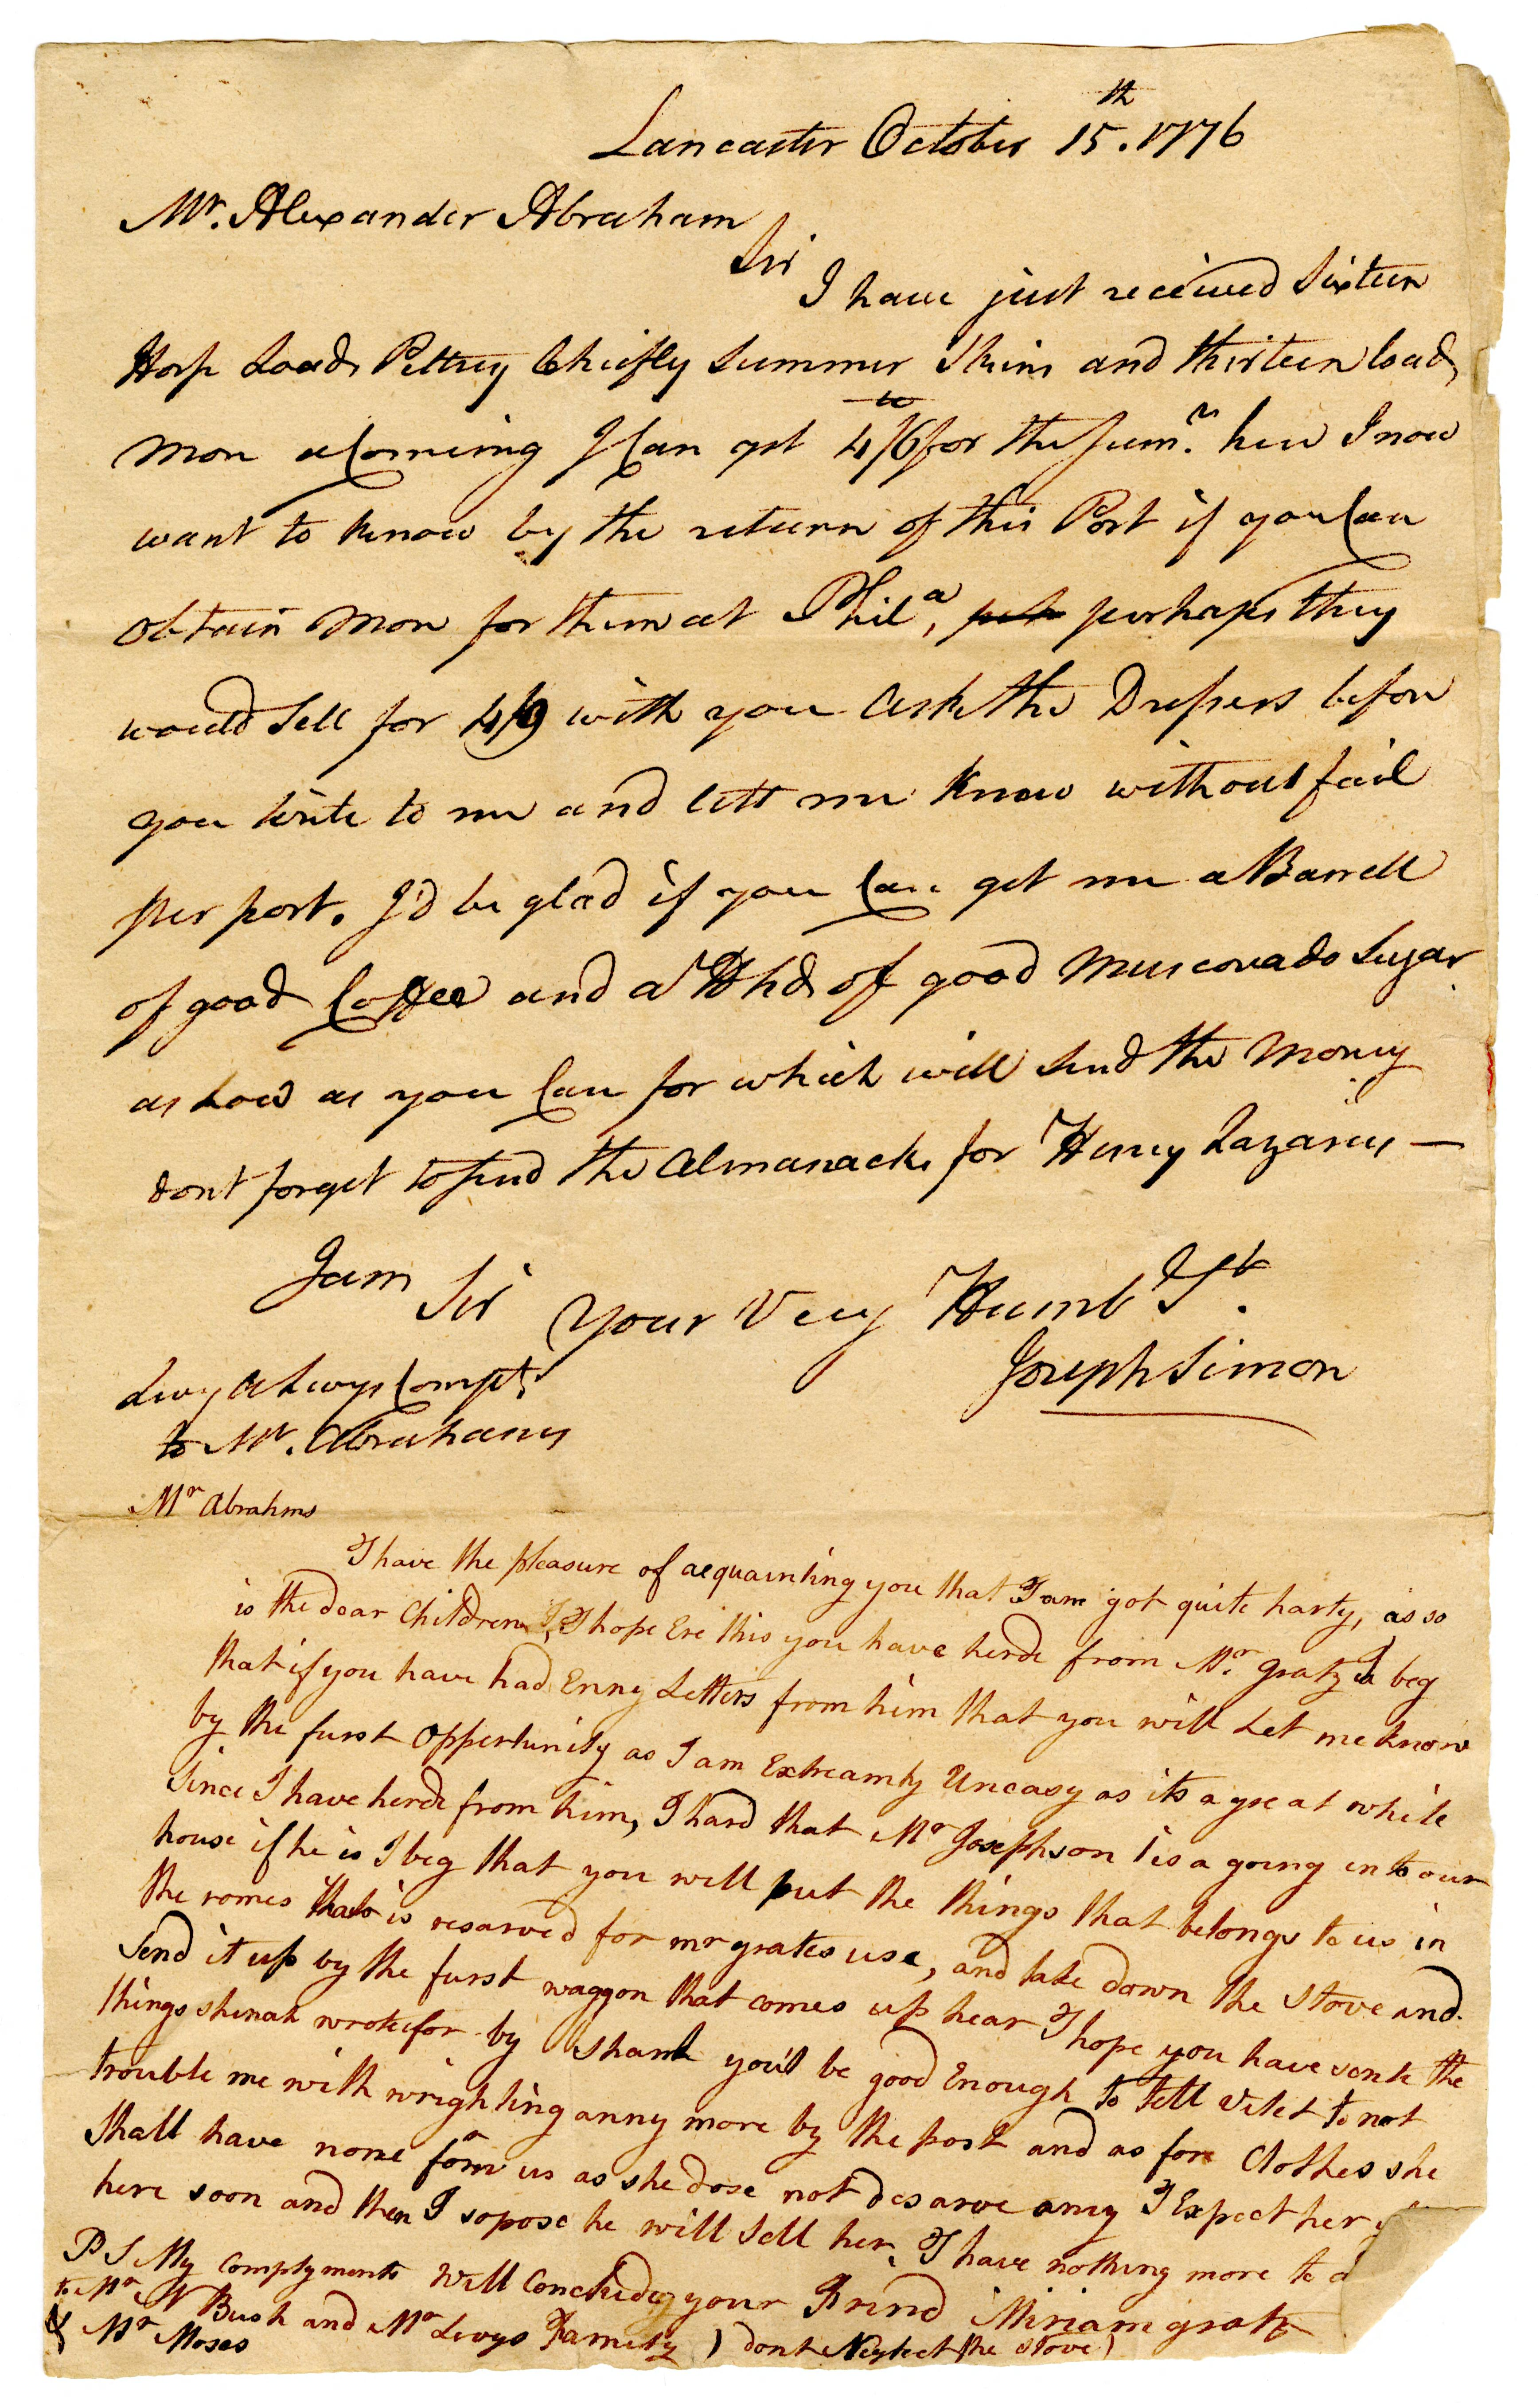Lancaster October 15^th. 1776
M^r. Alexander Abraham
Sir
I have just received sixteen
Horse Loads Peltry Chiefly Summer skins and thirteen loads
to
more a Comimg I can get 4s6 for the sum^r. here I now
want to know by the return of this Post if you can
obtain more for them at Phil^a [___] perhaps they
would sell for 4s9 with you Ask the Dressers before
you write to me and lett me know without fail
per post. I'd be glad if you can get me a Barrell
of good Coffee and a Hhd of good Muscavado Sugar
as Low as you Can for which will send the money
dont forget to send the Almanack for Henry Lazarus-
I am
Sir Your Very Humb S^t.
Joseph Simon
Levy a Levys Compts
to M^r. Abraham
M^r. Abrahms
I have the pleasure of acquainting you that I am got quite harty, as so
is the dear children, I hope Ere this you have herde from M^r. gratz I beg
that if you have had Enny Letters from him that you will Let me know
by the first oppertunity as I am Extreamly uneasy as its a great while
Since I have herde from him, I hard that M^r Josephson is a going into our
house if he is I beg that you will put the things that belongs to us in
the romes that is reserved for M^r grates use, and take down the stove and
send it up by the furst waggon that comes up hear I hope you have sent the
things shenah wrote for by Shank you'l be good enough to tell Vilet to not
trouble me with wrighting anny more by the post and as for clothes she
Shall have none from us as she dose not desarve anny I Expect her
here soon and then I sopose he will Sell her. I have nothing more to
PS My compliments will conclude your Friend Miriam gratz
to M^r W Bush and M^r Levys Family I dont Neglect the stove
& M^r Moses